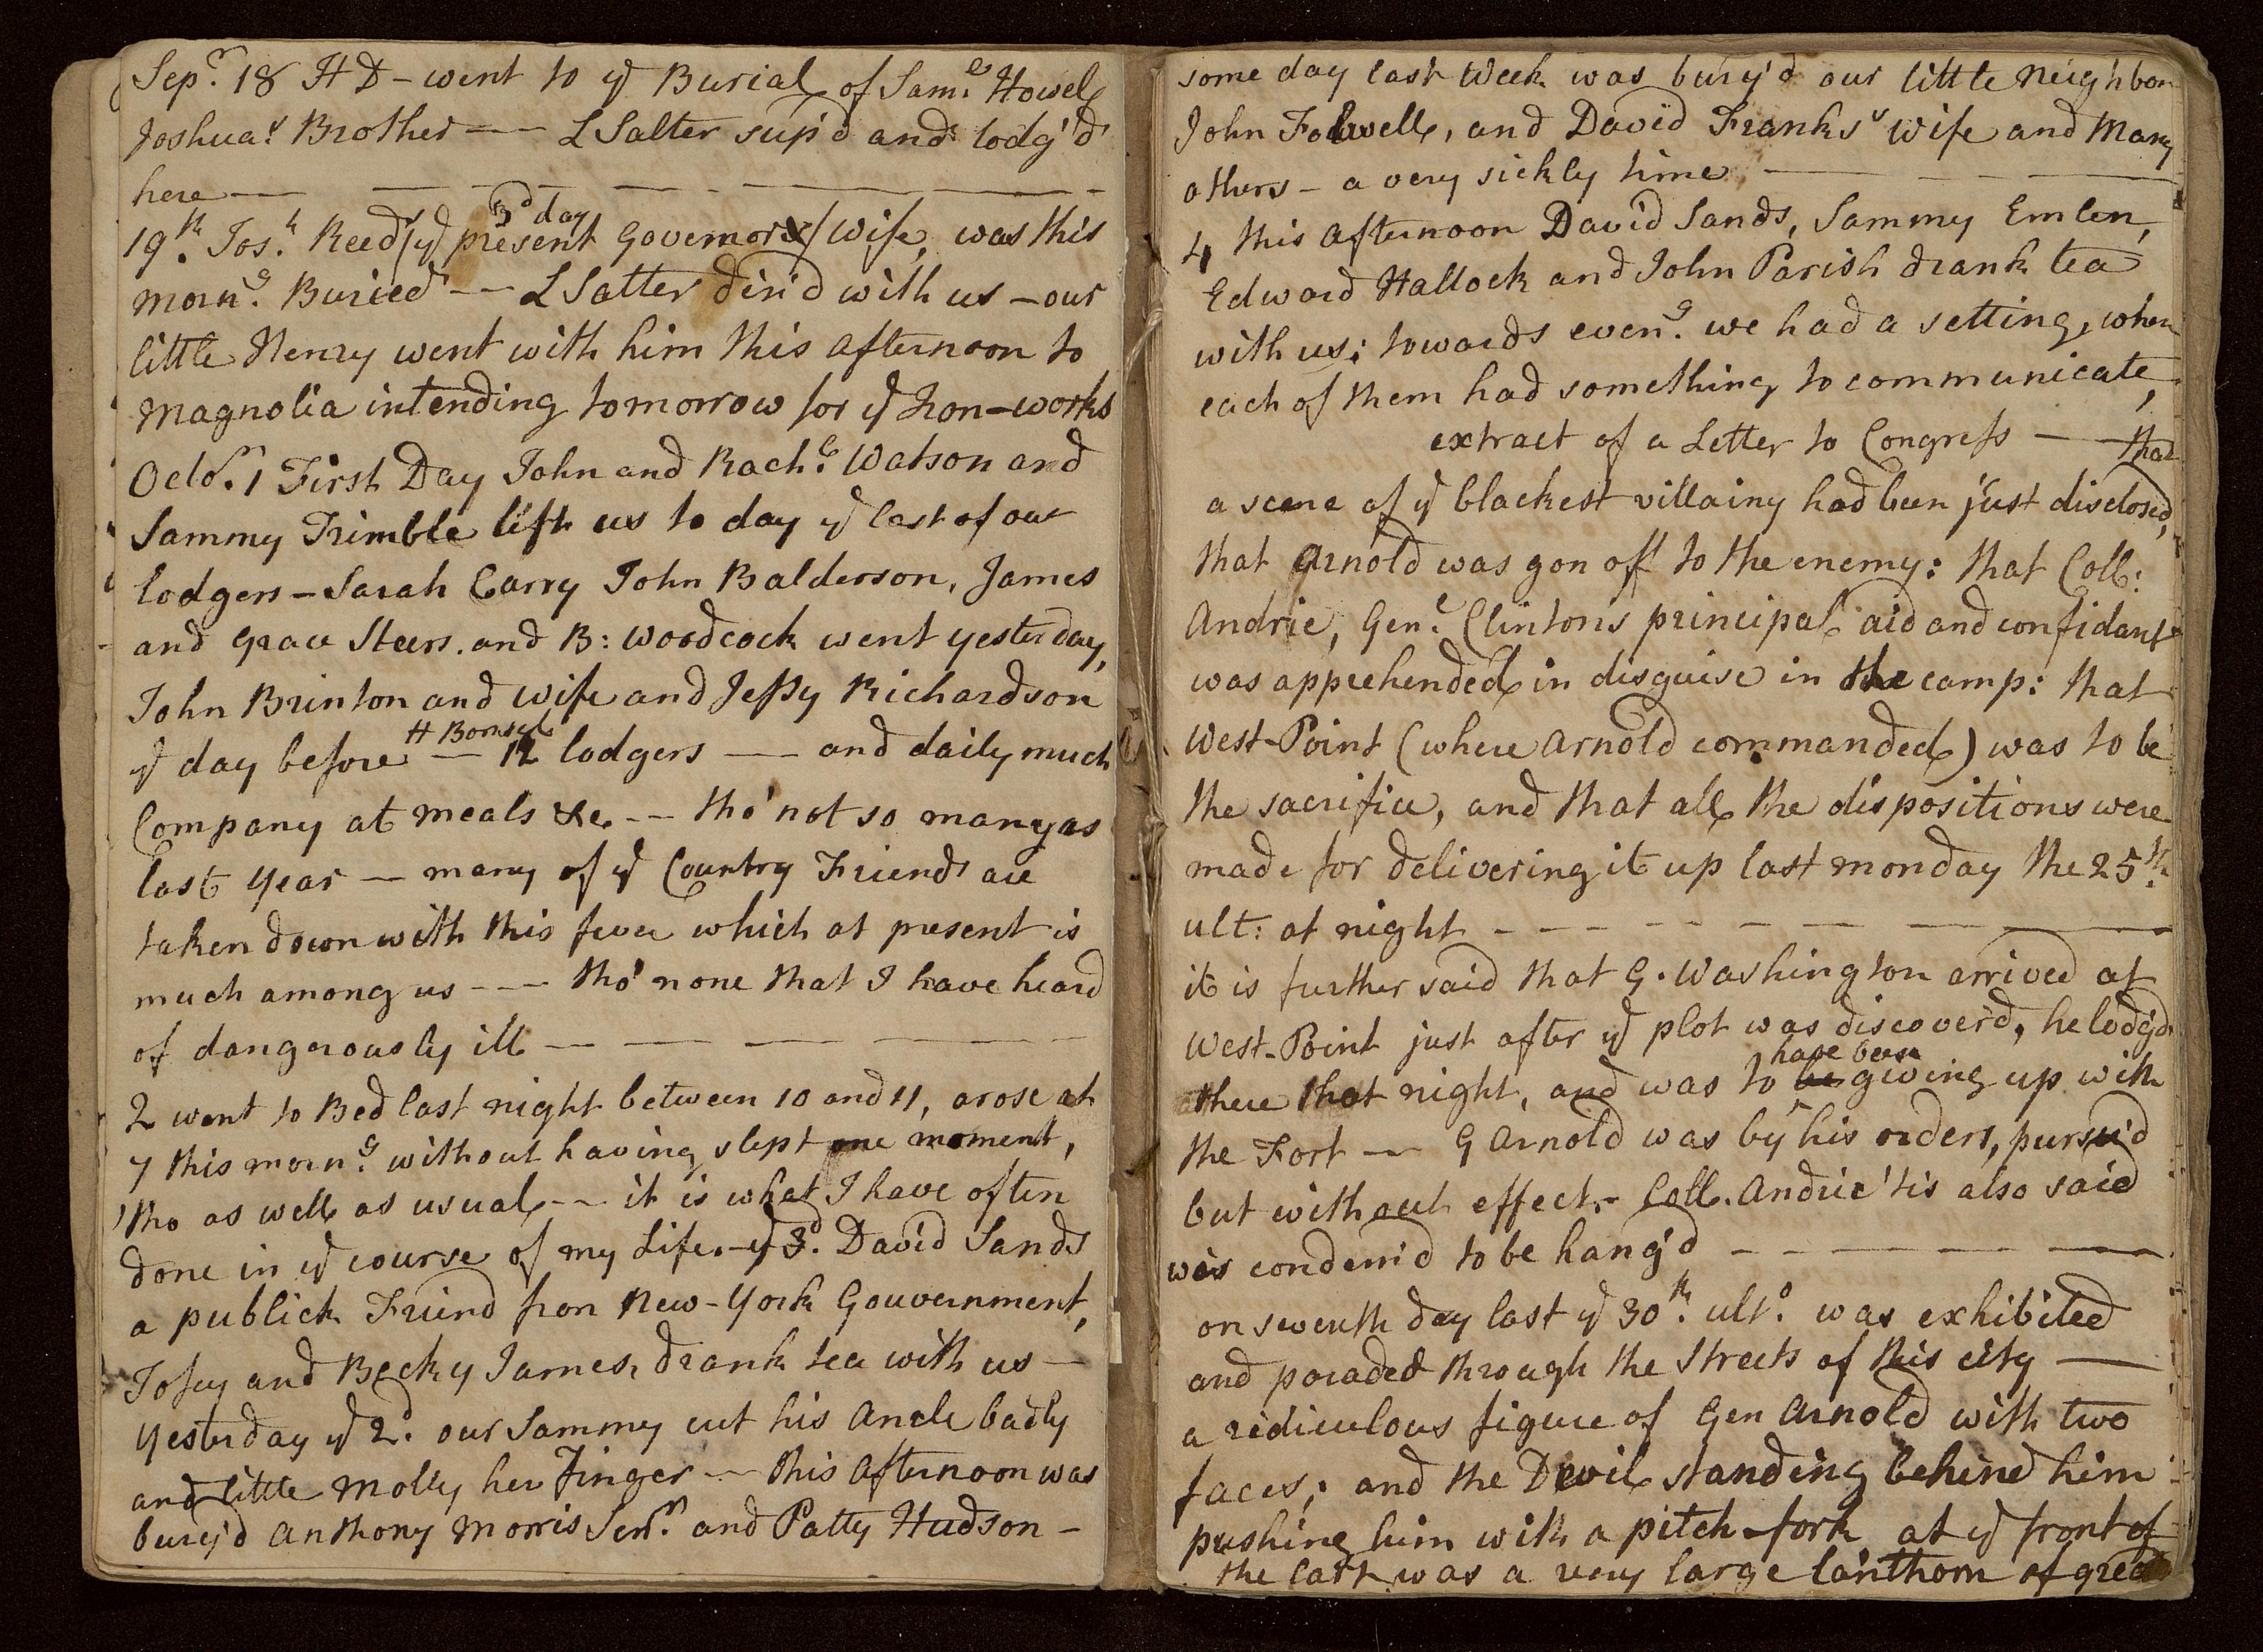Sep^r. 18 HD- went to y^e Burial of Sam^l Howel
Joshua^s Brother- L Salter sup'd and lodg' d
here-
19^th. Jos^h. Reed^s /y^e present Governors/ wife, was this
morn.^g Buried- L Satter dind with us- our
little Henry went with him this afternoon to
Magnolia intending tomorrow for y^e Iron-works
Octo^r. 1 First Day John and Rach^l Watson and
Sammy Trimble left us to day y^e last of our
lodgers- Sarah Carry John Balderson, James
and Grace Steers and B: Woodcock went yesterday,
John Brinton and wife and Jessy Richardson
H Boorsel
y^e day before- 12 lodgers- and daily much
Company at meals &c-- tho' not so many as
last year- many of y^e Country Friends are
taken down with this fever which at present is
much among us-- tho' none that I have heard
of dangerously ill-
2 went to Bed last night between 10 and 11, arose at
7 this morn^g. without having slept one moment,
'tho as well as usual-- it is what I have often
done in y^e course of my Life- y^e 3^d. David Sands
a publick Friend from New-York Gouvernment,
Josey and Becky James, drank tea with us-
Yesterday y^e 2^d. our Sammy cut his Ancle badly
and little Molly her finger-- This afternoon was
bury'd Anthony Morris Sen^r. and Patty Hudson-
some day last Week was bury'd our little Neighbor
John Folwell, and David Franks^s wife and Many
others- a very sickly time-
4 this afternoon David Sands, Sammy Emlen,
Edward Hallock and John Parish drank tea
with us; towards even^g. we had a setting, when
each of them had something to communicate
extract of a Letter to Congress- that
a scare of y^e blackest villainy had been just disclosed,
that Arnold was gon of to the enemy; that Coll:
Andrie, Gen^l. Clintons principal aid and confidant
was apprehended in disguise in the camp: that
West Point (where Arnold commanded) was to be
the sacrifice, and that all the dispositions were
made for delivering it up last monday the 25^th
ult: at night-----
it is further said that G. Washington arrived at
West-Point just after y^e plot was discover'd, he lodg'd
have been
there that night, and was to [be] giving up with
the Fort- G Arnold was by his orders, pursu'd
but without effect- Coll. Andric 'tis also said
was condem'd to be hang'd-----
on seventh day last y^e 30^th. ult^o. was exhibited
and paraded through the Streets of this city-
a ridiculous figure of Gen Arnold with two
faces; and the Devil standing behind him.
pushing him with a pitch-fork at y^e front of
the bath was a very large lanthom of great